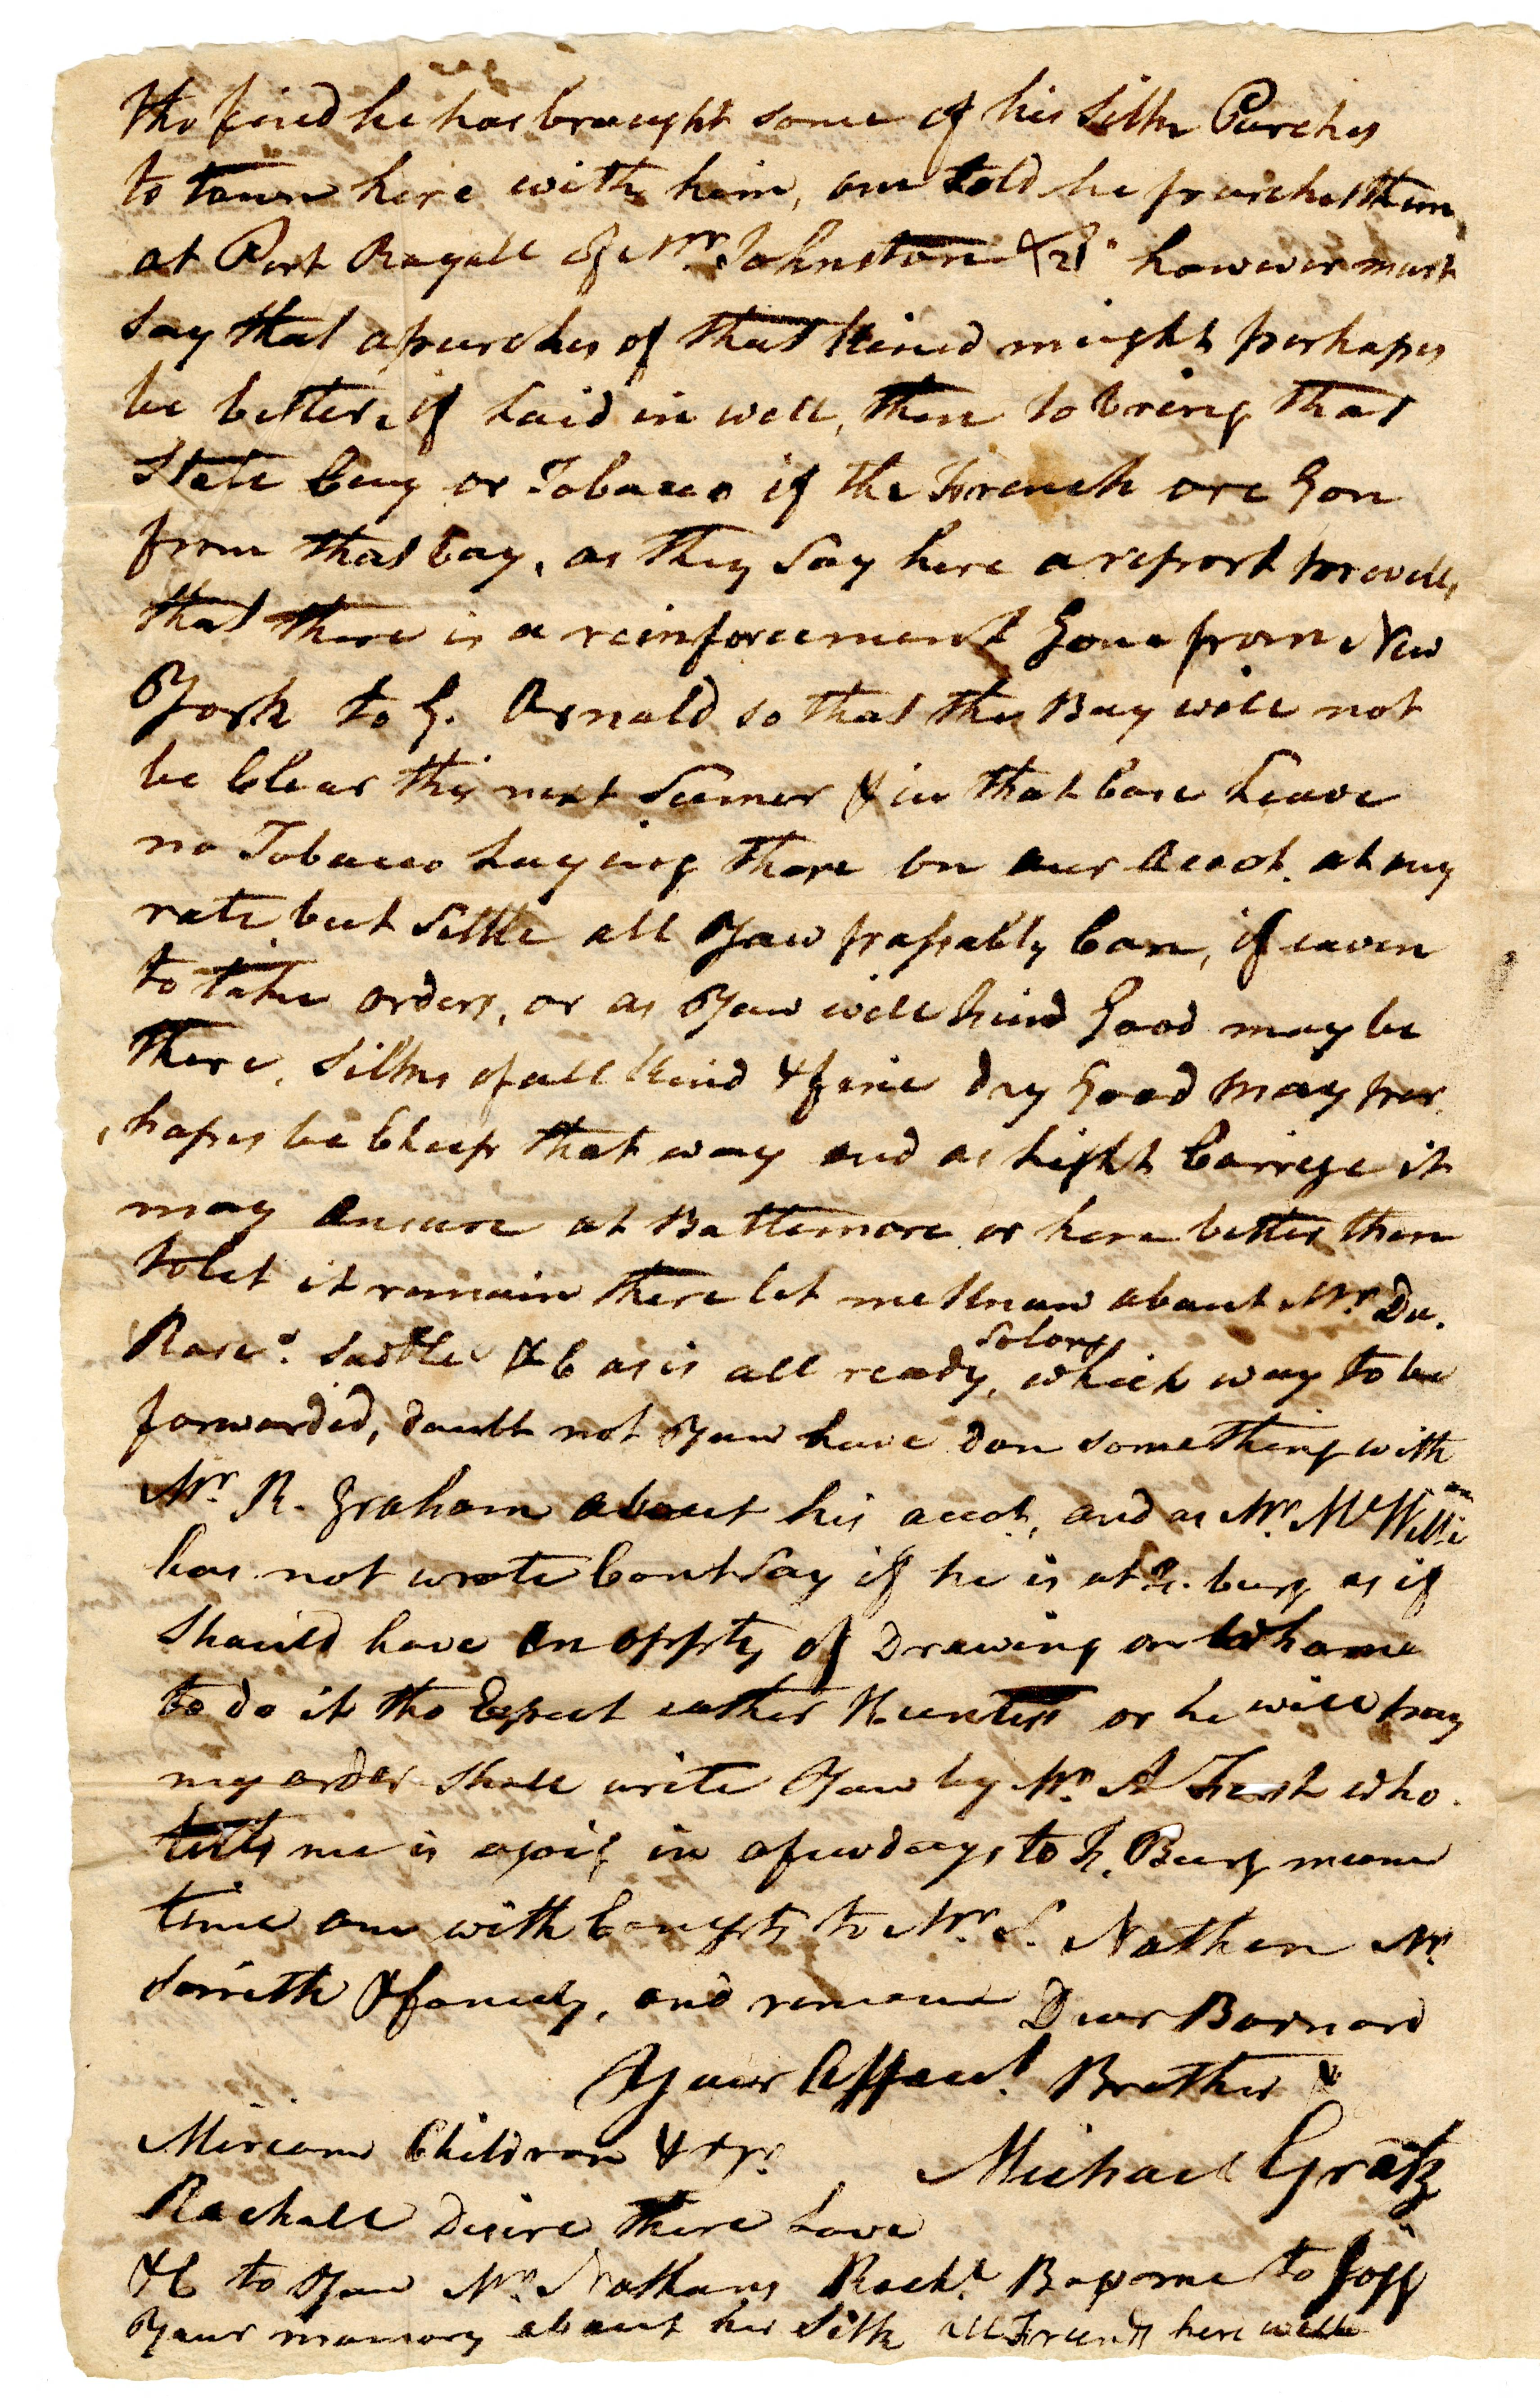the find he has brought since of his silk Purches
to town here with him, are told he purchas them
at Port Royall of M^r. Johnston &c however must
say that a purches of that kind might perhaps
be better if Laid in well, there to bring that
State buy or Tobacco if the French are gon
from that bay, as they say here a report for well
that there is a reinforcement Gone from New
York to G. Arnold so that the Bay will not
be Clear this next Sumer & in that case Leave
no Tobacco Laying there on our Accot. at my
rate but settle all you passably Can, if eaven
to take orders, or as you will kind Good may be
there, silks of all send & fine dry good may ever
hopes be cheap that way and as Light Carrige it
may Assure at Baltimore is here better there
to let it remain there let me know about M^r. Du.
so lost
-Rarc^d. Settle &C as is all ready, which way to be
forwarded, doubt not you have don something with
M^r. R. Graham about his acco^t, and as M^r. M^c Willi
has not wrote Cant say if he is ab^t. but as if
should have an opp^ty of Drawing on what
to do it tho Expect rather N. unter or he will pay
my order shall write you by M^r. A First who
tells me is agoing in a few days to F. Burg mean
time are with Compts to M^r. S Nathan M^r
Smith & family, and remain
Dear Barnard
Your Affec^t. Brother
Michael Gratz
Miriam Children & y^r.
Rachall desire there Love
&C to you M^r. Nathan Rach^l. Bayorne to loss
your money about his silk all Friends here will